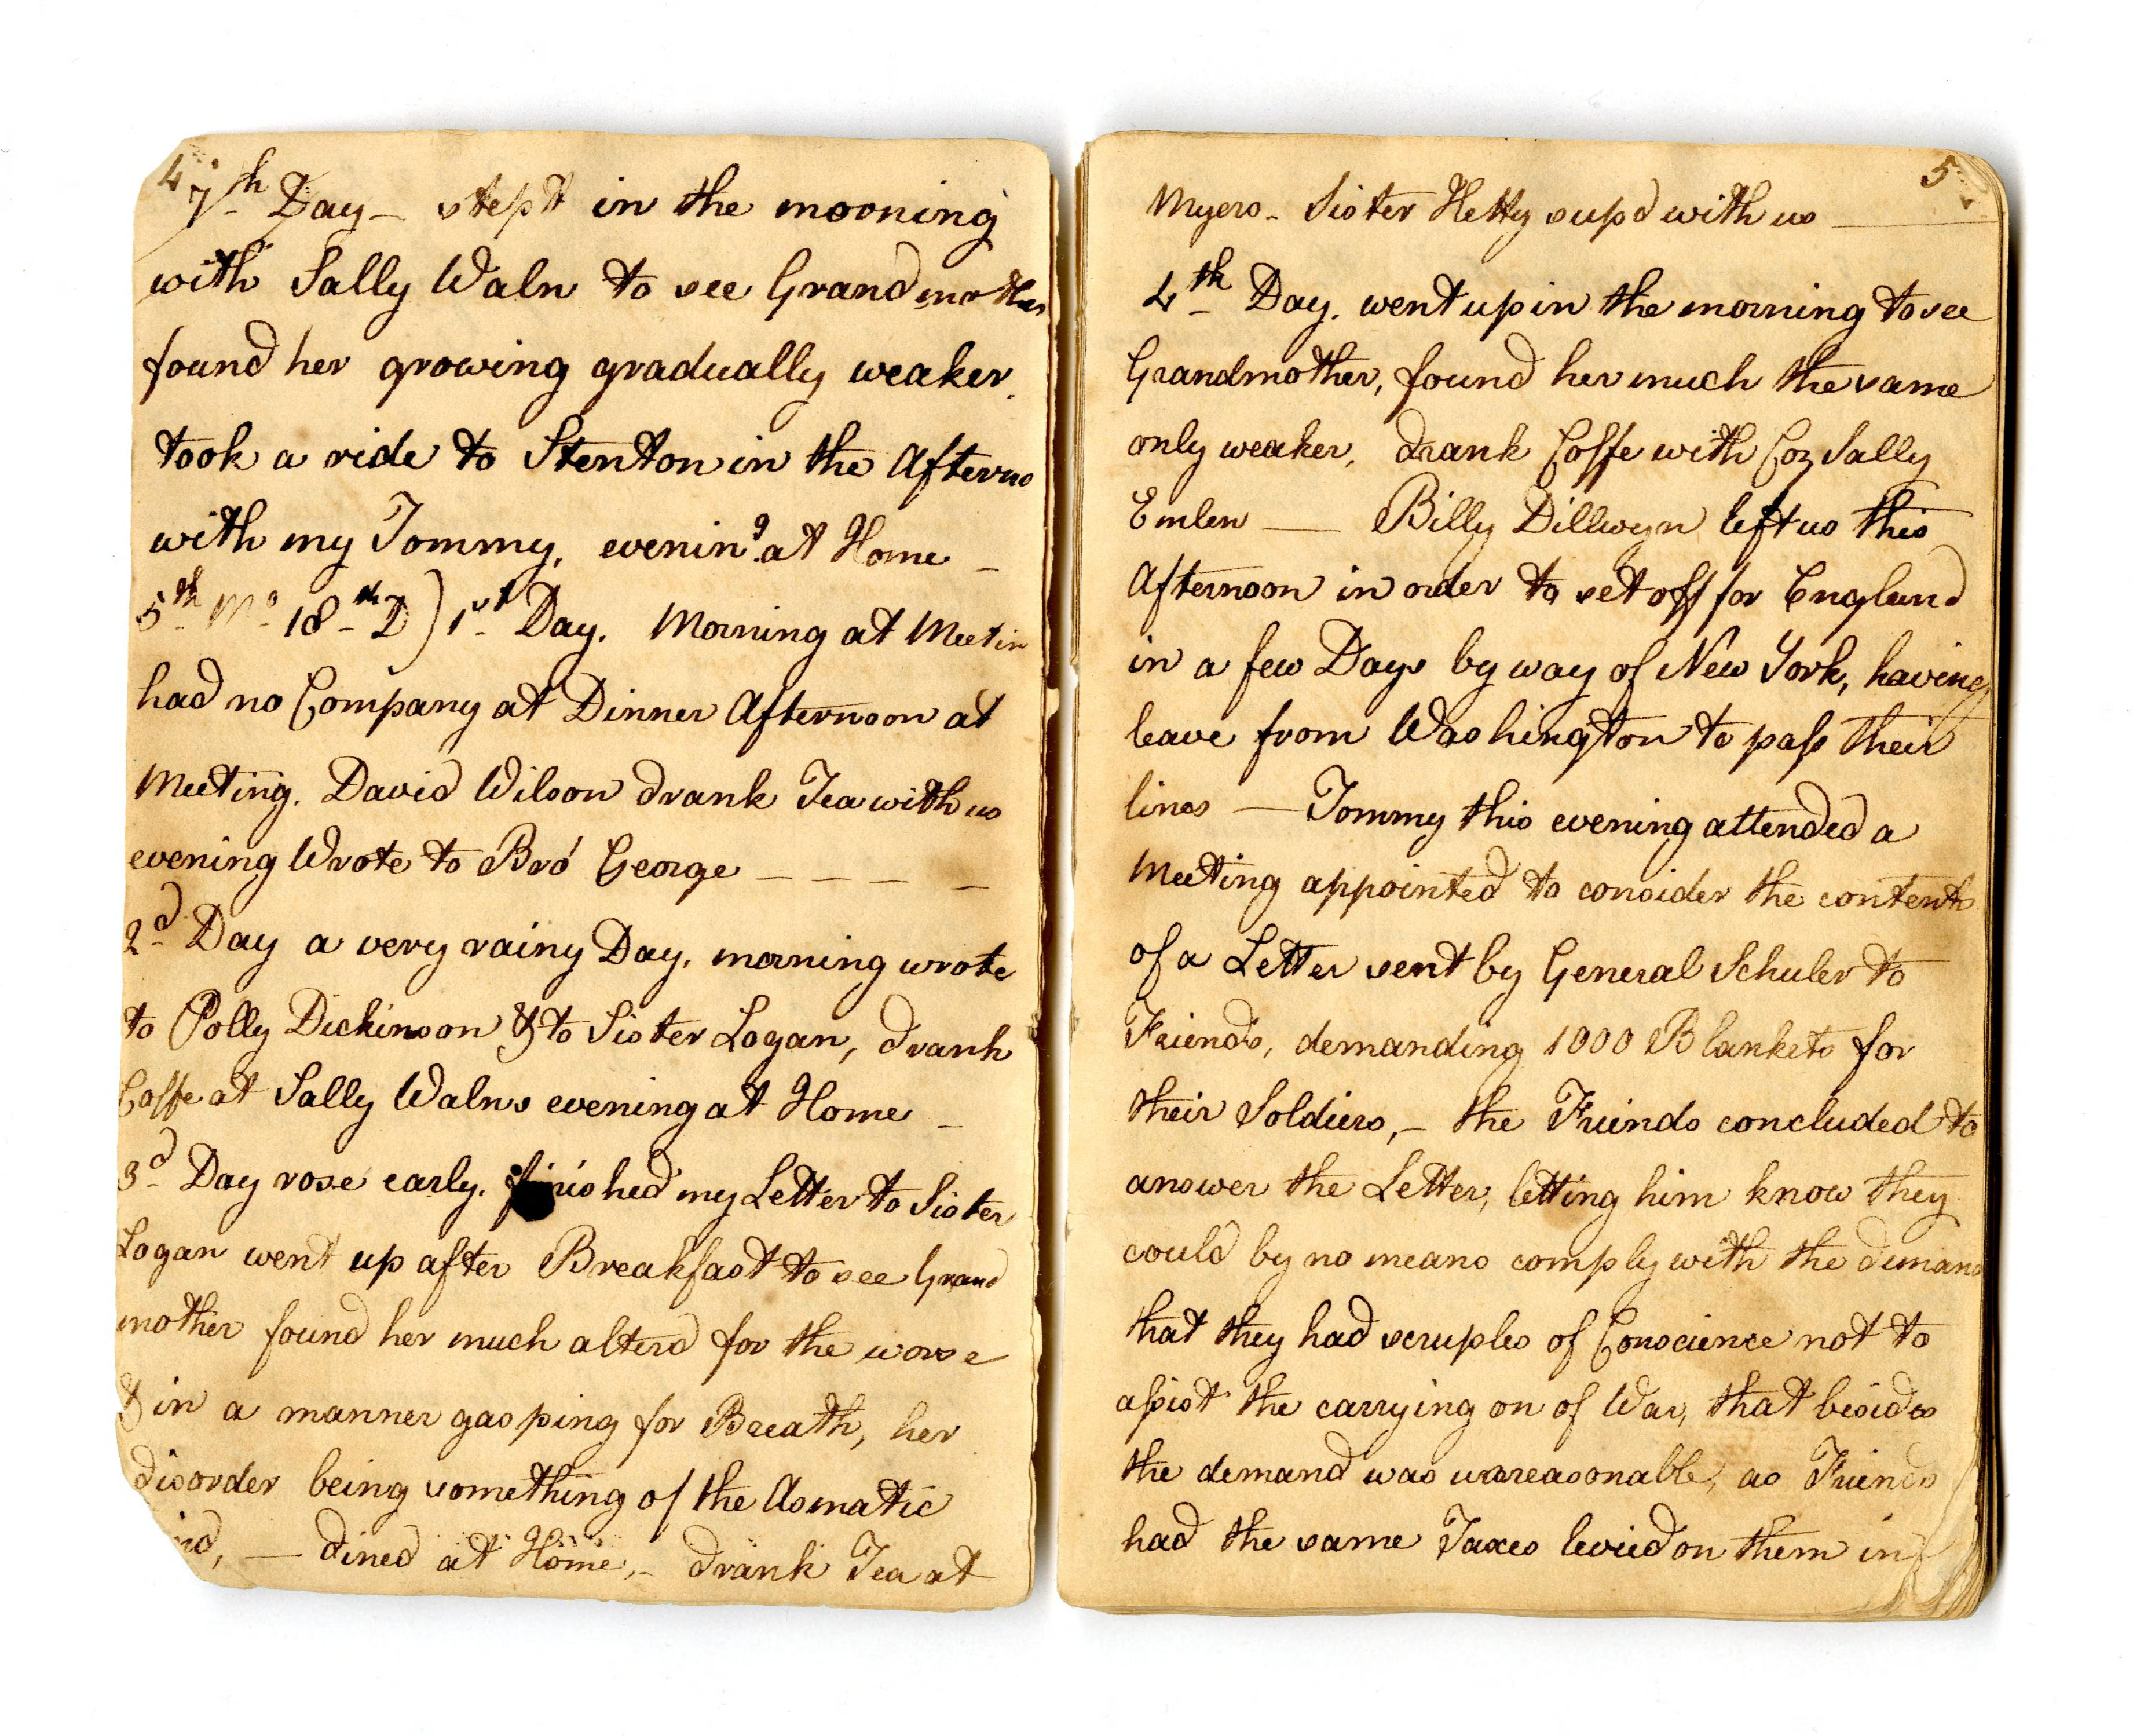^4 7^th Day - stept in the morning
with Sally Waln to see Grandmother
found her growing gradually weaker
took a ride to Stenton in the Afterno
with my Tommy, evenin^g. at Home -
5^th M^o 18^th D ) 1^st. Day. Morning at Meetin
had no Company at Dinner Afternoon at
Meeting. David Wilson drank Tea with us
evening Wrote to Bro' George-
2^d Day a very rainy Day. morning wrote
to Polly Dickinson & to Sister Logan, drank
Coffe at Sally Walns evening at Home-
3^d Day rose early. finished my Letter to Sister
Logan went up after Breakfast to see Grand
mother found her much alterd for the worse
& in a manner gasping for Breath, her
disorder being something of the Asmatic
nd,- dined at Home,- drank Tea at
5
Myers. Sister Hetty supd with us-
4^th Day. went up in the morning to see
Grandmother, found her much the same
only weaker, drank Coffe with Coz Sally
Emlen- Billy Dillwyn left us this
Afternoon in order to set off for England
in a few Days by way of New York, having
leave from Washington to pass their
lines- Tommy this evening attended a
Meeting appointed to consider the contents
of a Letter sent by General Schuler to
Friends, demanding 1000 Blankets for
their Soldiers,- the Friends concluded to
answer the Letter, letting him know they
could by no means comply with the demand
that they had scruples of Conscience not to
assist the carrying on of War, that besides
the demand was unreasonable, as Friends
had the same Taxes levied on them in